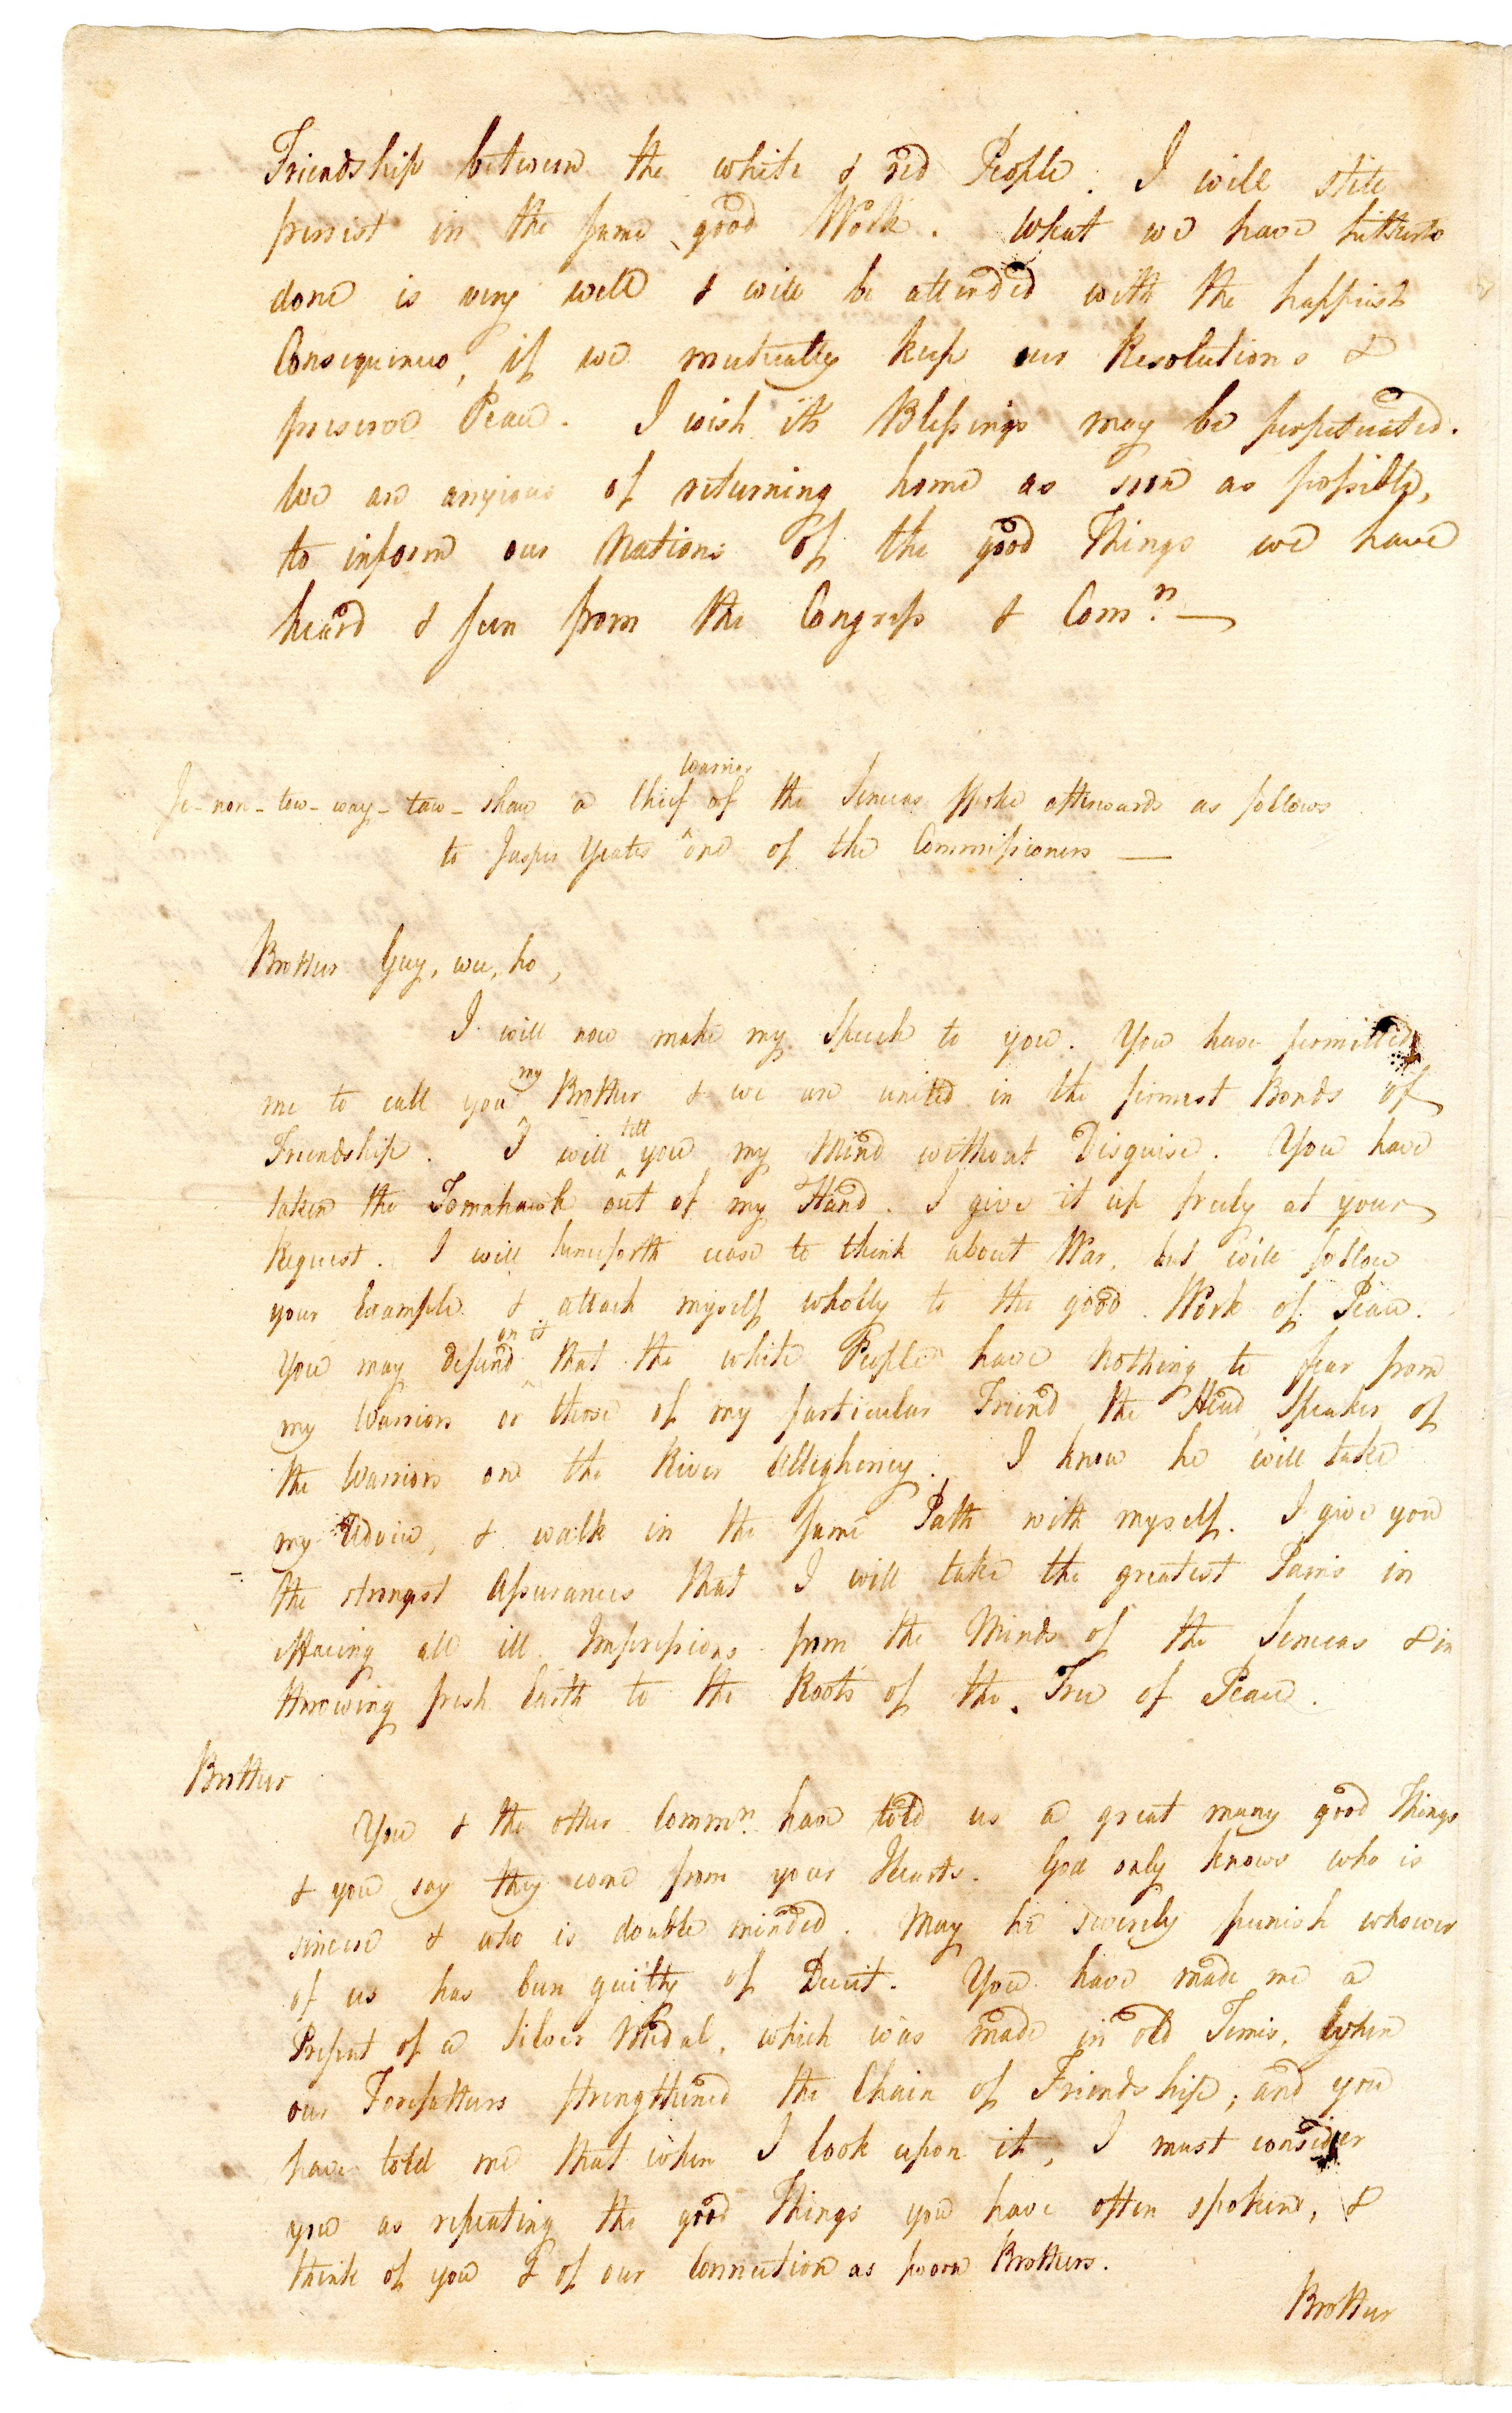Friendship between the white & red People. I will still
persist in the same good Work. What we have hither to
done is very well & will be attended with the happiest
Consequences, if we mutually keep our Resolutions &
preserve Peace. I wish its Blessings may be perpetuated.
We are anxious of returning home as soon as possible,
to inform our Nations of the good Things we have
heard & seen from the Congress & Com^r.-
Warrior
Jo- non- tow- way-taw-shaw a Chief ^ of the Senecas spoke afterwards as follows
to Jasper Yeates one of the Commissioners-
Brother Guy, wee, ho,
I wil now make my Speech to you. You have permitted
my
me to call you ^ Brother & we are united in the firmest Bonds of
tell
Friendship. I will ^ you my Mind without Disguise. You have
taken the Tomahawk out of my Hand. I give it up freely at your
Request. I will henceforth cease to think about War, but will follow
your Example & attach myself wholly to the good Work of Peace.
You may depend ^on it that the white People have nothing to fear from
my Warriors or those of my particular Friend the Head Speaker of
the Warriors on the River Allegheney. I know he will take
my Advice & walk in the same Path with myself. I give you
the strongest assurances that I will take the greatest Pains in
effacing all ill Impressions from the Minds of the Senecas & in
throwing fresh earth to the Roots of the Tree of Peace.
Brother
You & the other Comm^r. have told us a great many good things
& you say they come from your Hearts. God only knows who is
sincere & who is double minded. May he severely punish whoever
of us has been guilty of Deceit. You have made me a
Present of a Silver Medal, which was made in old Times, when
our Forefathers strengthened the Chain of Friendship; and you
have told me that when I look upon it, I must consider
you as repeating the good things you have often spoken, &
think of you & of our Connection as sworn Brothers.
Brother